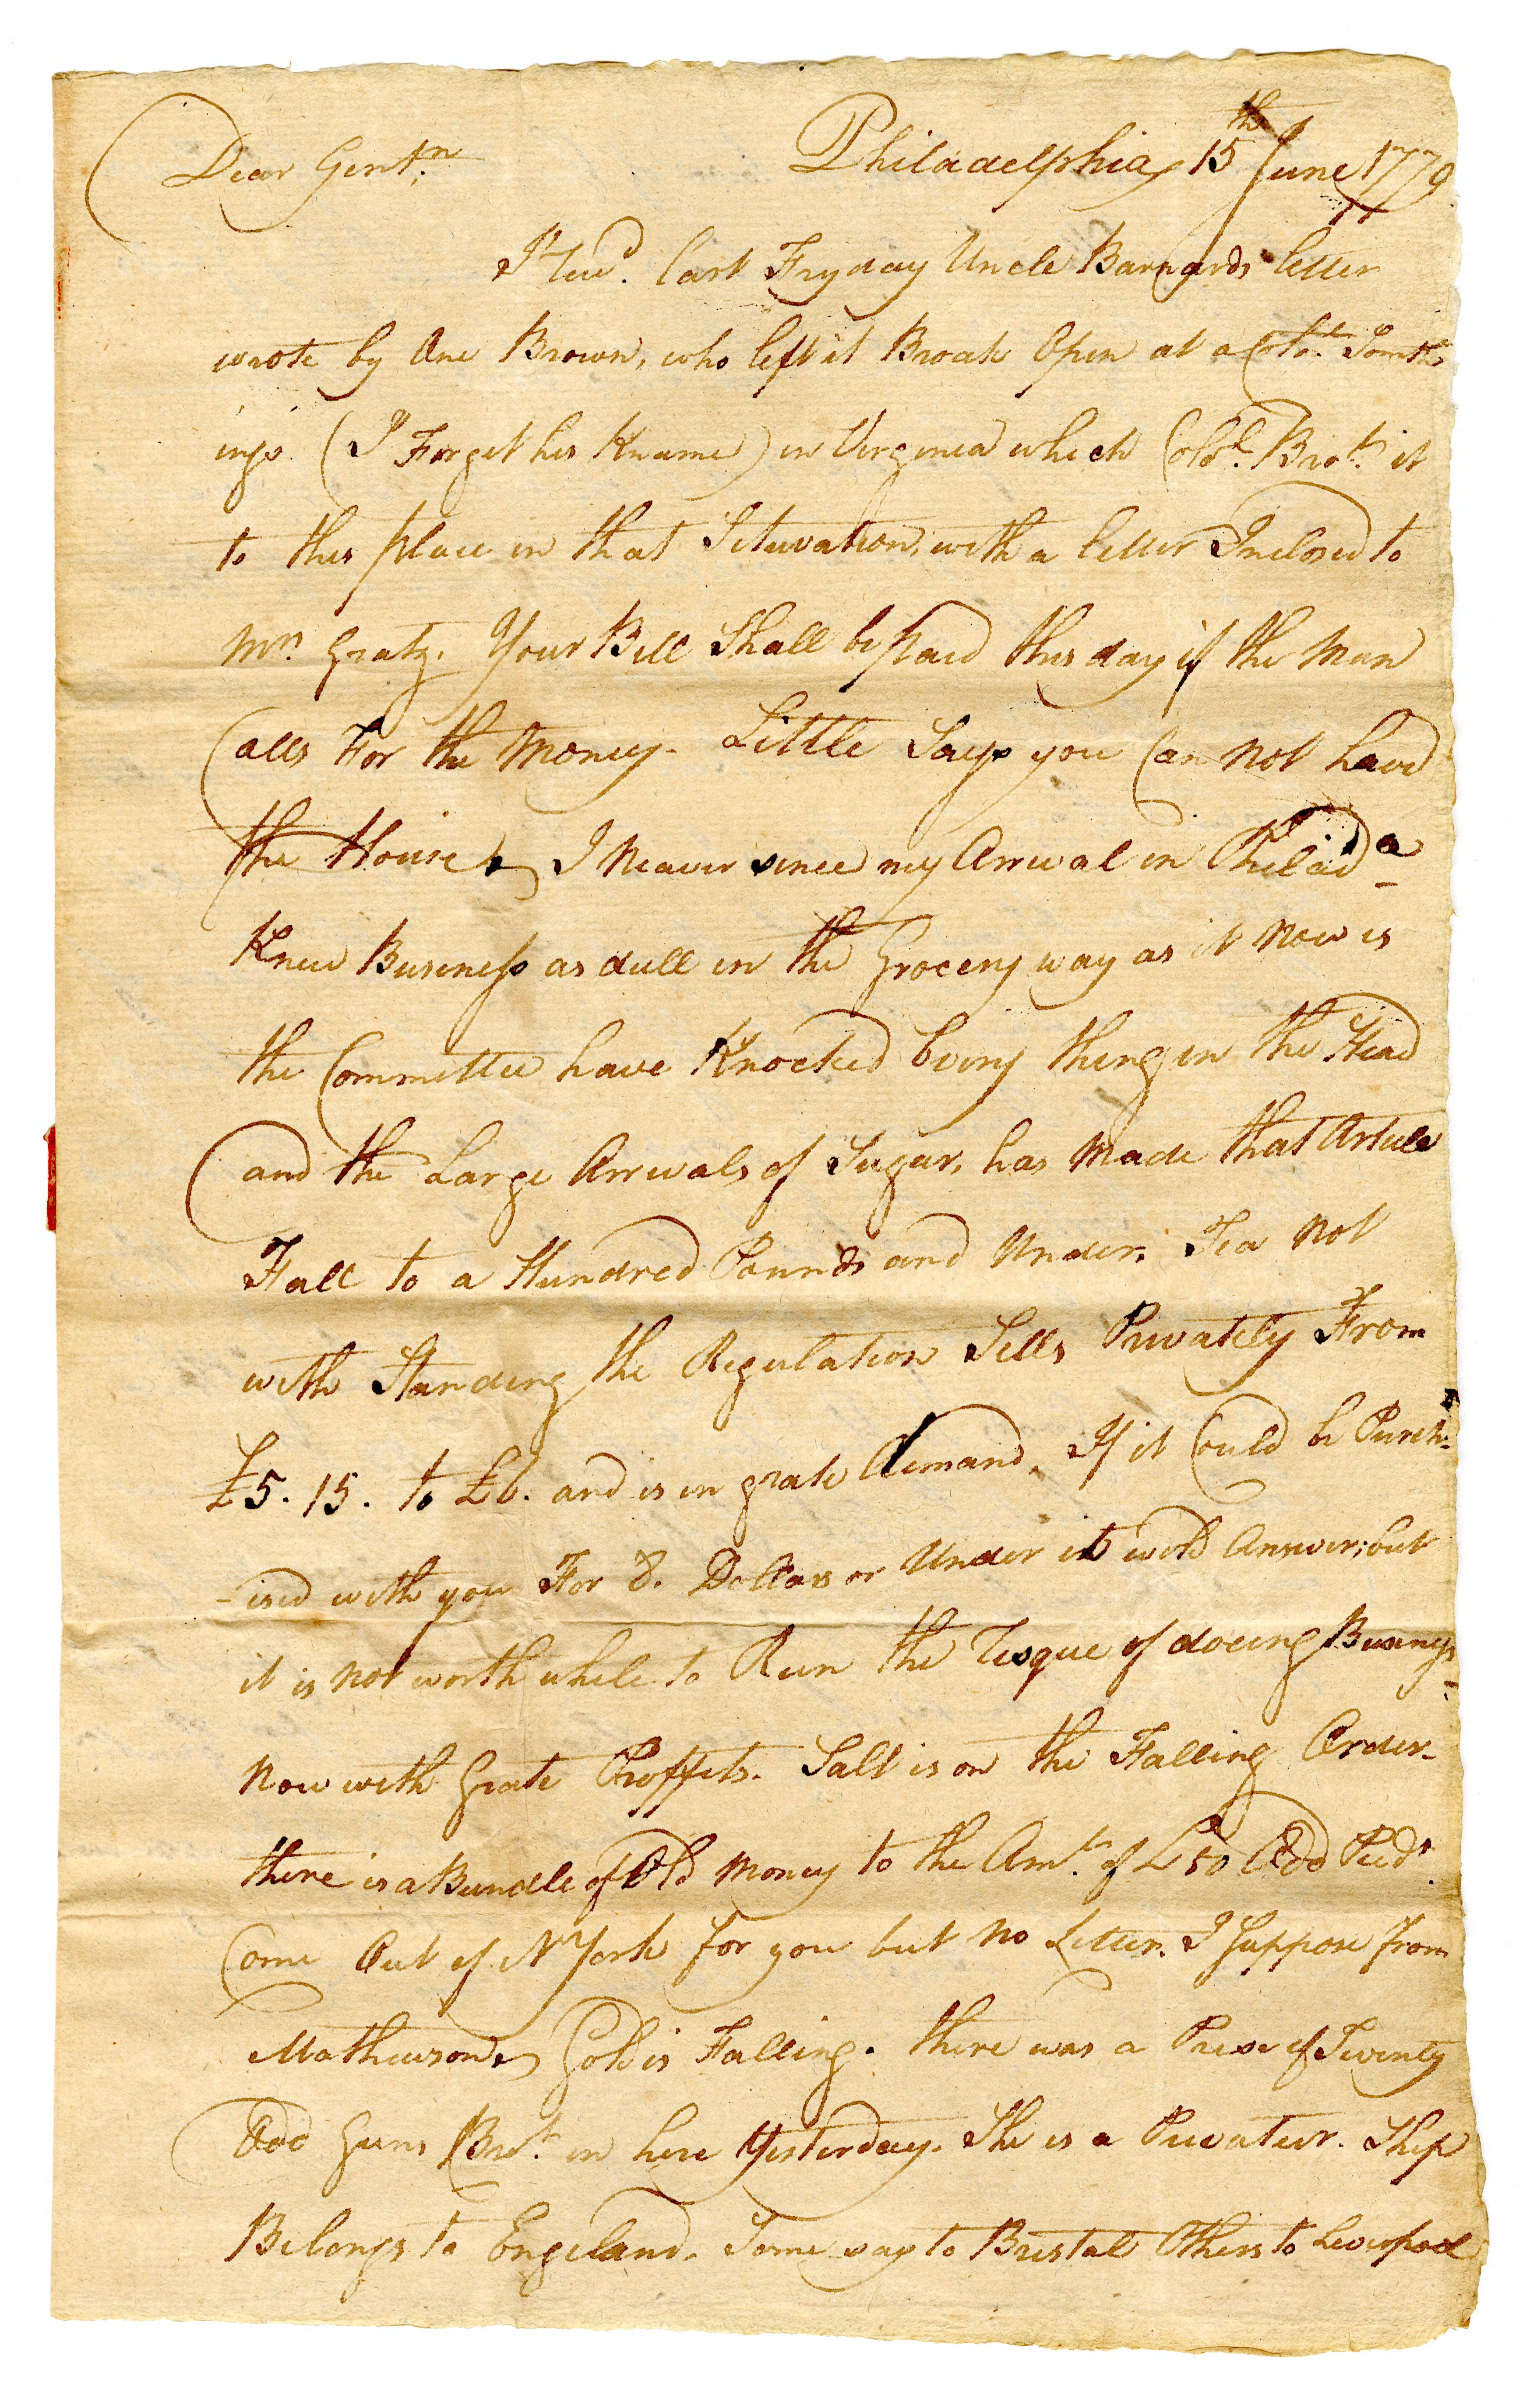Philadelphia 15^th June 1779
Dear Gent^n.
I rec^d. last Fryday Uncle Barnards letter
wrote by Ane Brown, who left it Broak open at a Colo^l. someth-
-ings (I Forget his Kname) in Virginia which Colo^l. Bro^t. it
to this place in that Situation with a letter Inclosed to
M^r Gratz, Your Bill shall be paid this day if the man
Calls for the Money. Little Says you Can not have
the House- I neaver since my Arrival in Philad^a
knew Buseness as dull in the Grocery way as it now is
the Committee have knocked every thing in the Head
and the Large Arrivals of sugar has made that artcul
Fall to a Hundred Pounds and Under. Tea not
with Standing the regulation sells Privately from
£5. 15. to £6. and is in grate demand, if it could be Purch-
-ised with you for 8. Dollars or Under it wold Answers; but
it is not worth while to Run the risque of doeing Busenes
now with grate proffits. Salt is on the Falling Prices.
there is a Bundle of Old money to the Am^t. of £50. & 66 pence
Come out of N York for you but no Letter I suppose from
Mathersand Gold is Falling. There was a Prise of Seventy
Odd Guns Bro^t. in here Yesterday. She is a Privateer. Ship
belongs to England, some say to Bristal Others to Livepool